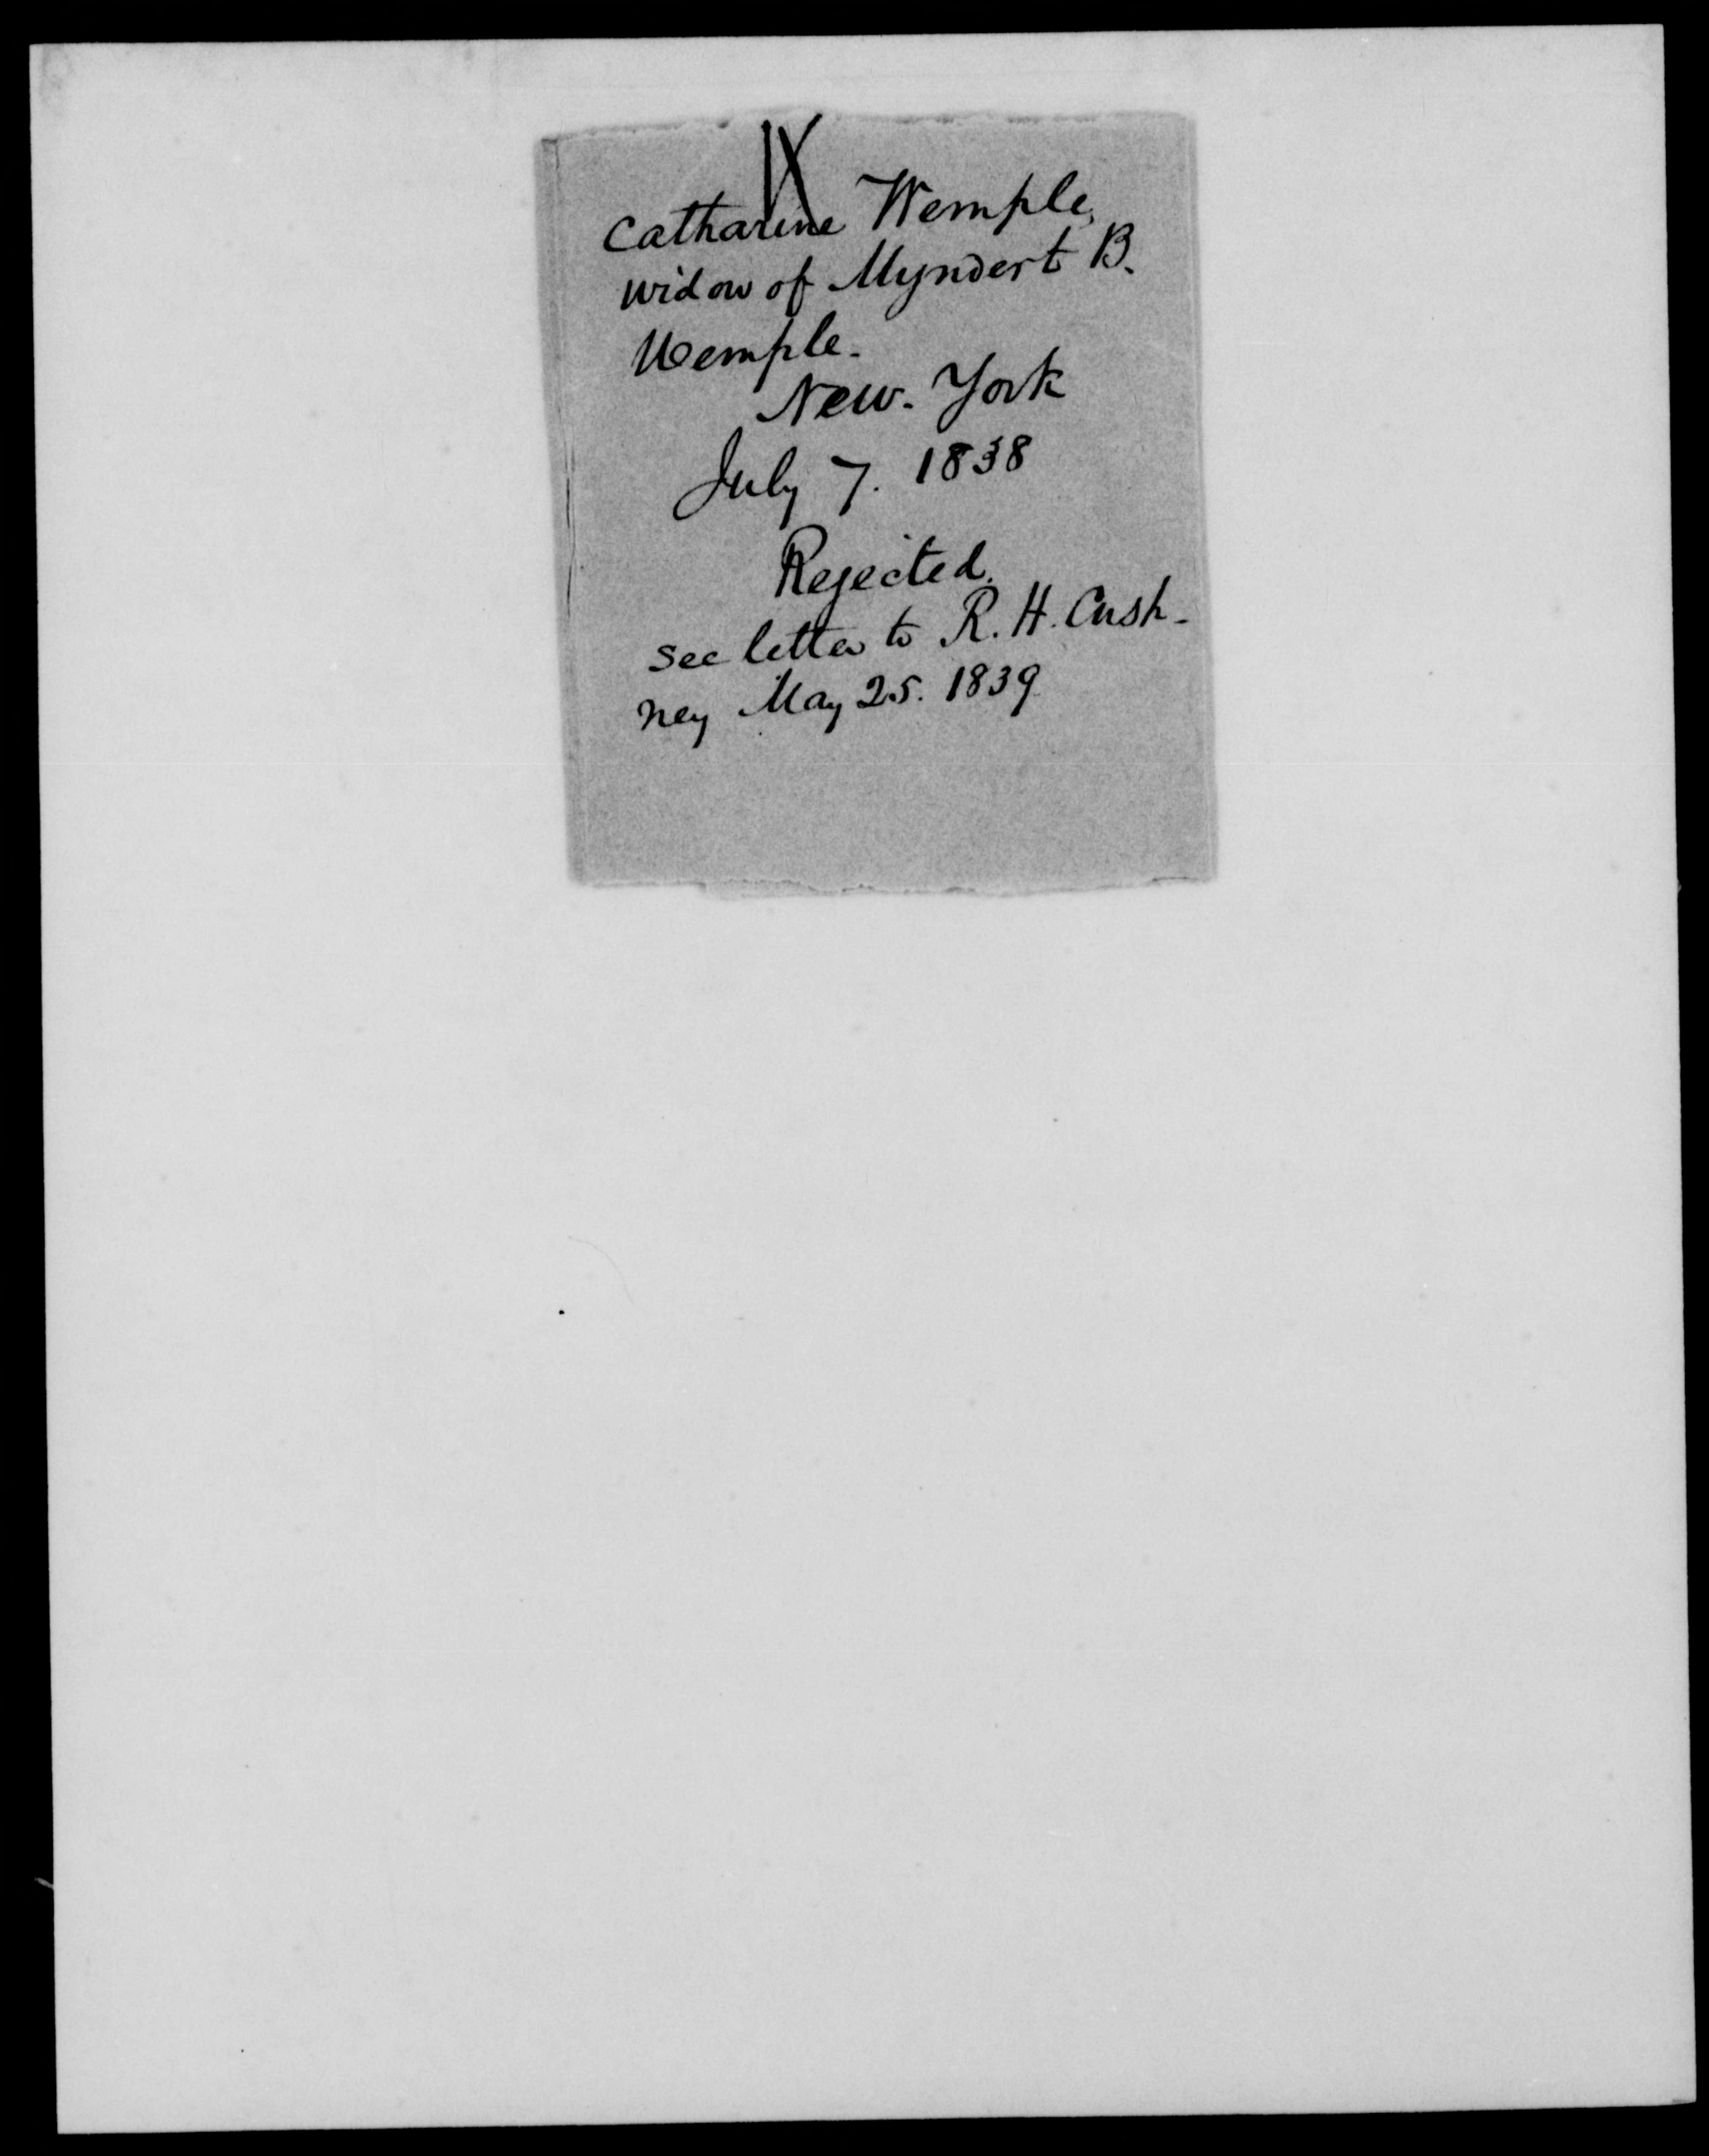lX
Catharine Wemple
widow of Myndert B Wemple.
New. York
July 7. 1838
Rejected
see letter to R. H. Cushney
May 25. 1839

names: R H Cushney, Myndert B Wemple, Catharine Wemple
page: 40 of 51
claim: widow's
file: W. 19604, Myndert B Wemple, New York